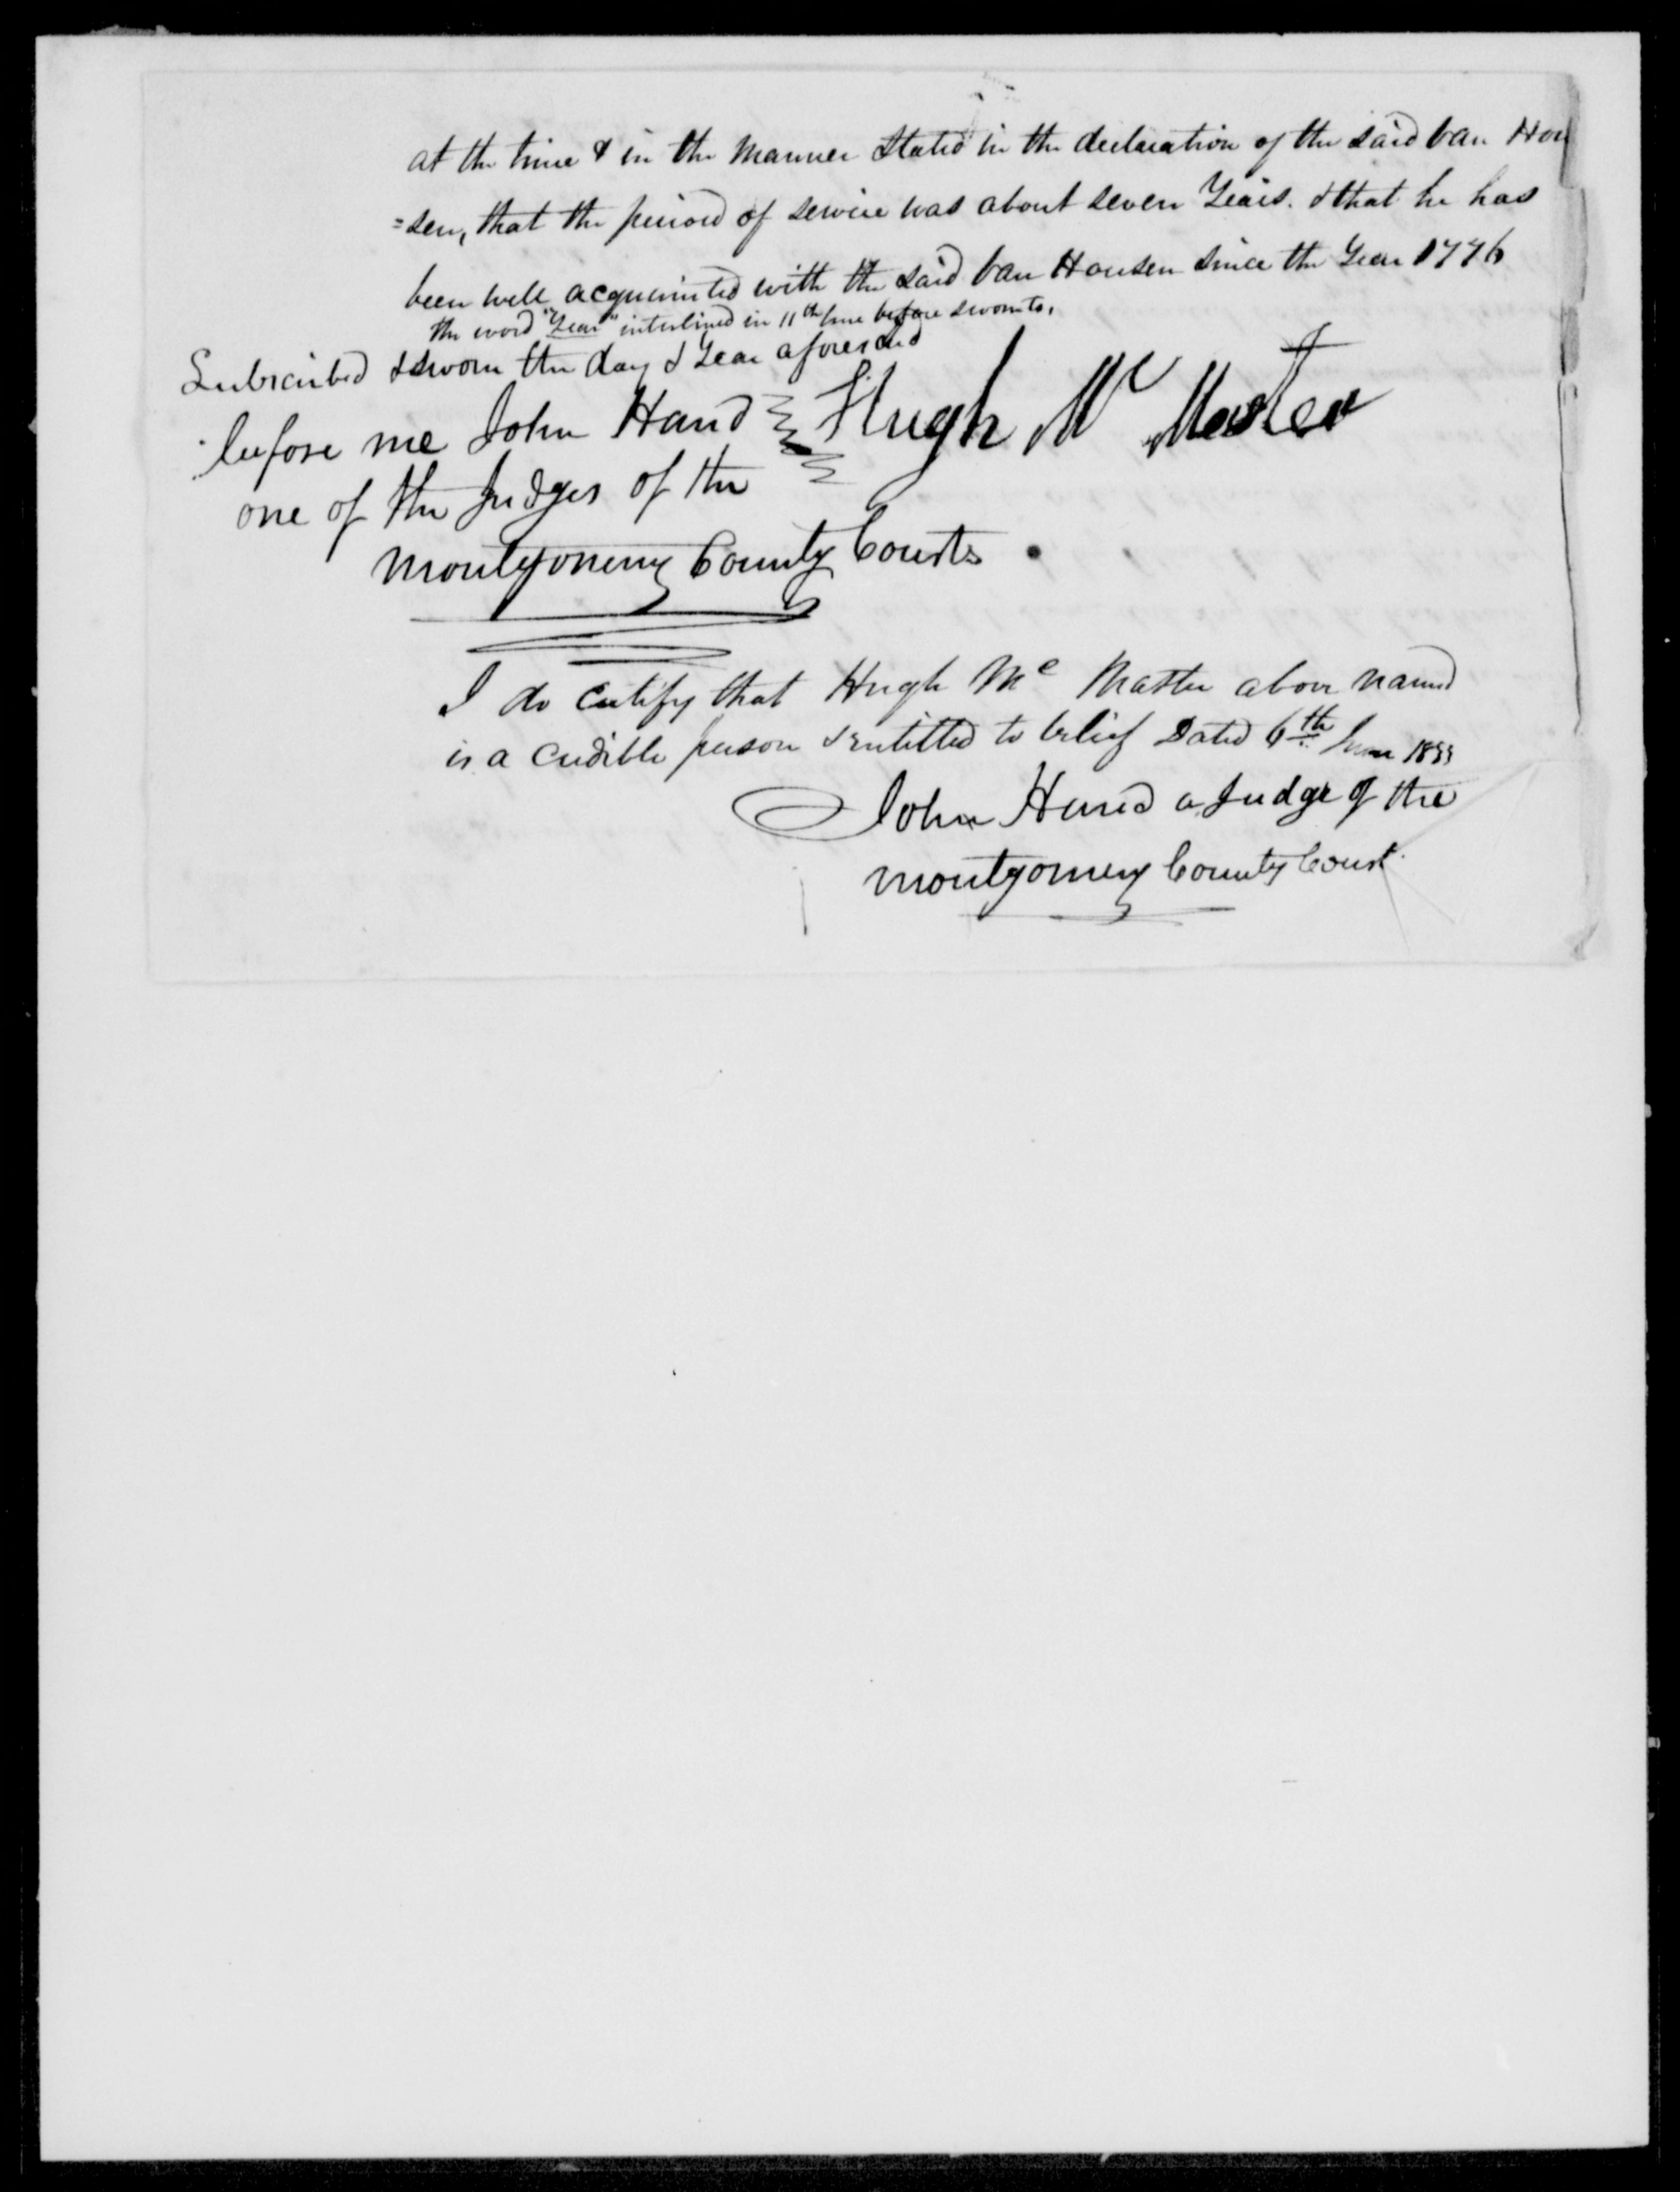at the time & in the manner stated in the declaration of the said Van Housen, that the period of service was about seven years. & that he has been well acquainted with the said Van Housen since the year 1776 the word “Year” interlined in 11th line before sworn to 
[signed] Hugh McMaster 
Subscribed & sworn the day & year aforesaid before me John Hand one of the Judges of the Montgomery County Courts
I do certify that Hugh McMaster above named is a credible person & entitled to belief Dated 6th June 1833 
[signed] John Hand a Judge of the Montgomery County Court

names: John Hand, Hugh Mc Master, Van Housen, Van Housen, Hugh Mc Master, John Hand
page: 5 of 57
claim: survivor's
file: S. 28,925, Albert Van Housen, New York